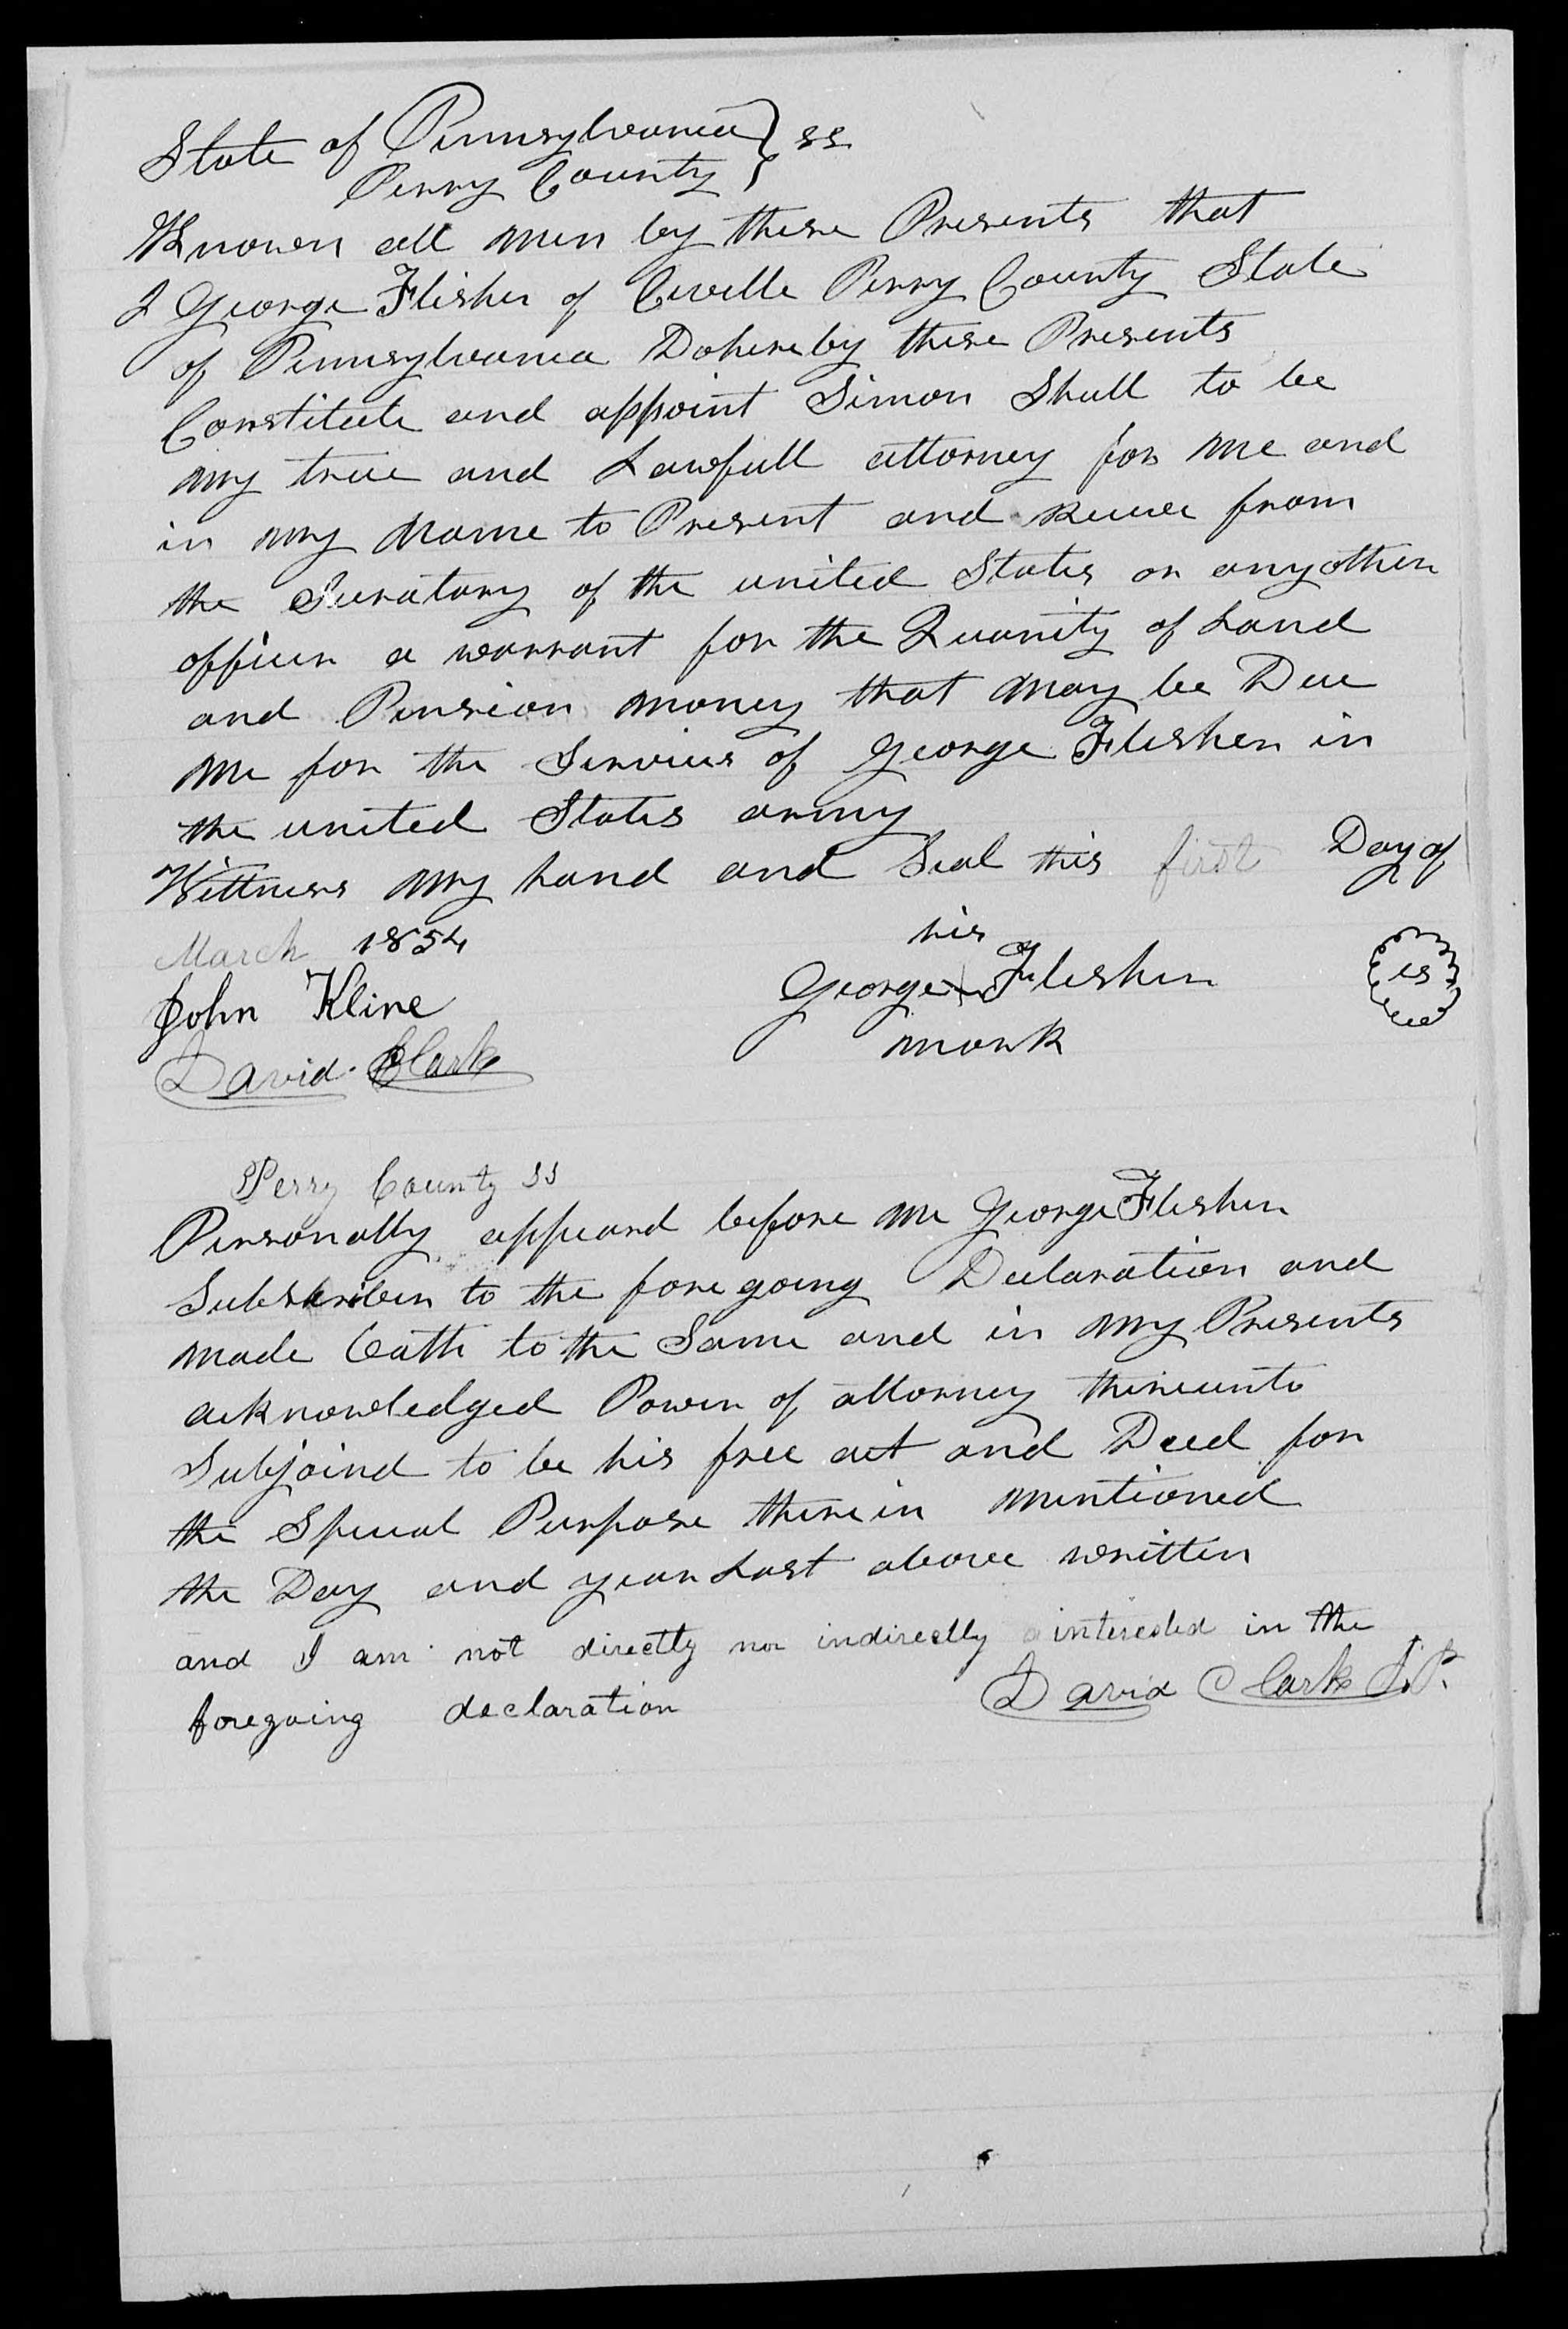State of Pennsylvania
Perry County}  ss

    Known all men by these presents that I George Flisher of Ceville Perry County State of Pennsylvania Dohereby these presents constitute and appoint Simon Shull to be my true and lawful attorney for me and in my name to present and review fromthe (??) of the United States or any other office & warrant for the quantity of land and pension money that may be due me for the services of George Flisher in the United States Army.
Witness my hand and seal this first day of March 1854.
                                                 his
                                      George X Flisher
                                                 mark
//s//
John Kline
//s//
David Clark

Perry County  ss
Personally appeared before me George Flisher subscriber to the foregoing declaration and made oath to the same and in my presents acknowledged power of attorney thereunto subjoined to be his free (??) and deed for the special purpose therein mentioned the day and year last above written and I am not directly nor indirectly interested in the foregoing declaration.

//s//
David Clark S.P.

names: George Flisher, David Clark, George Flisher, George Flisher, John Kline, David Clark, Simon Shull, George Flisher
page: 4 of 7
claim: rejected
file: R. 3,567, Flisher George, Penn.